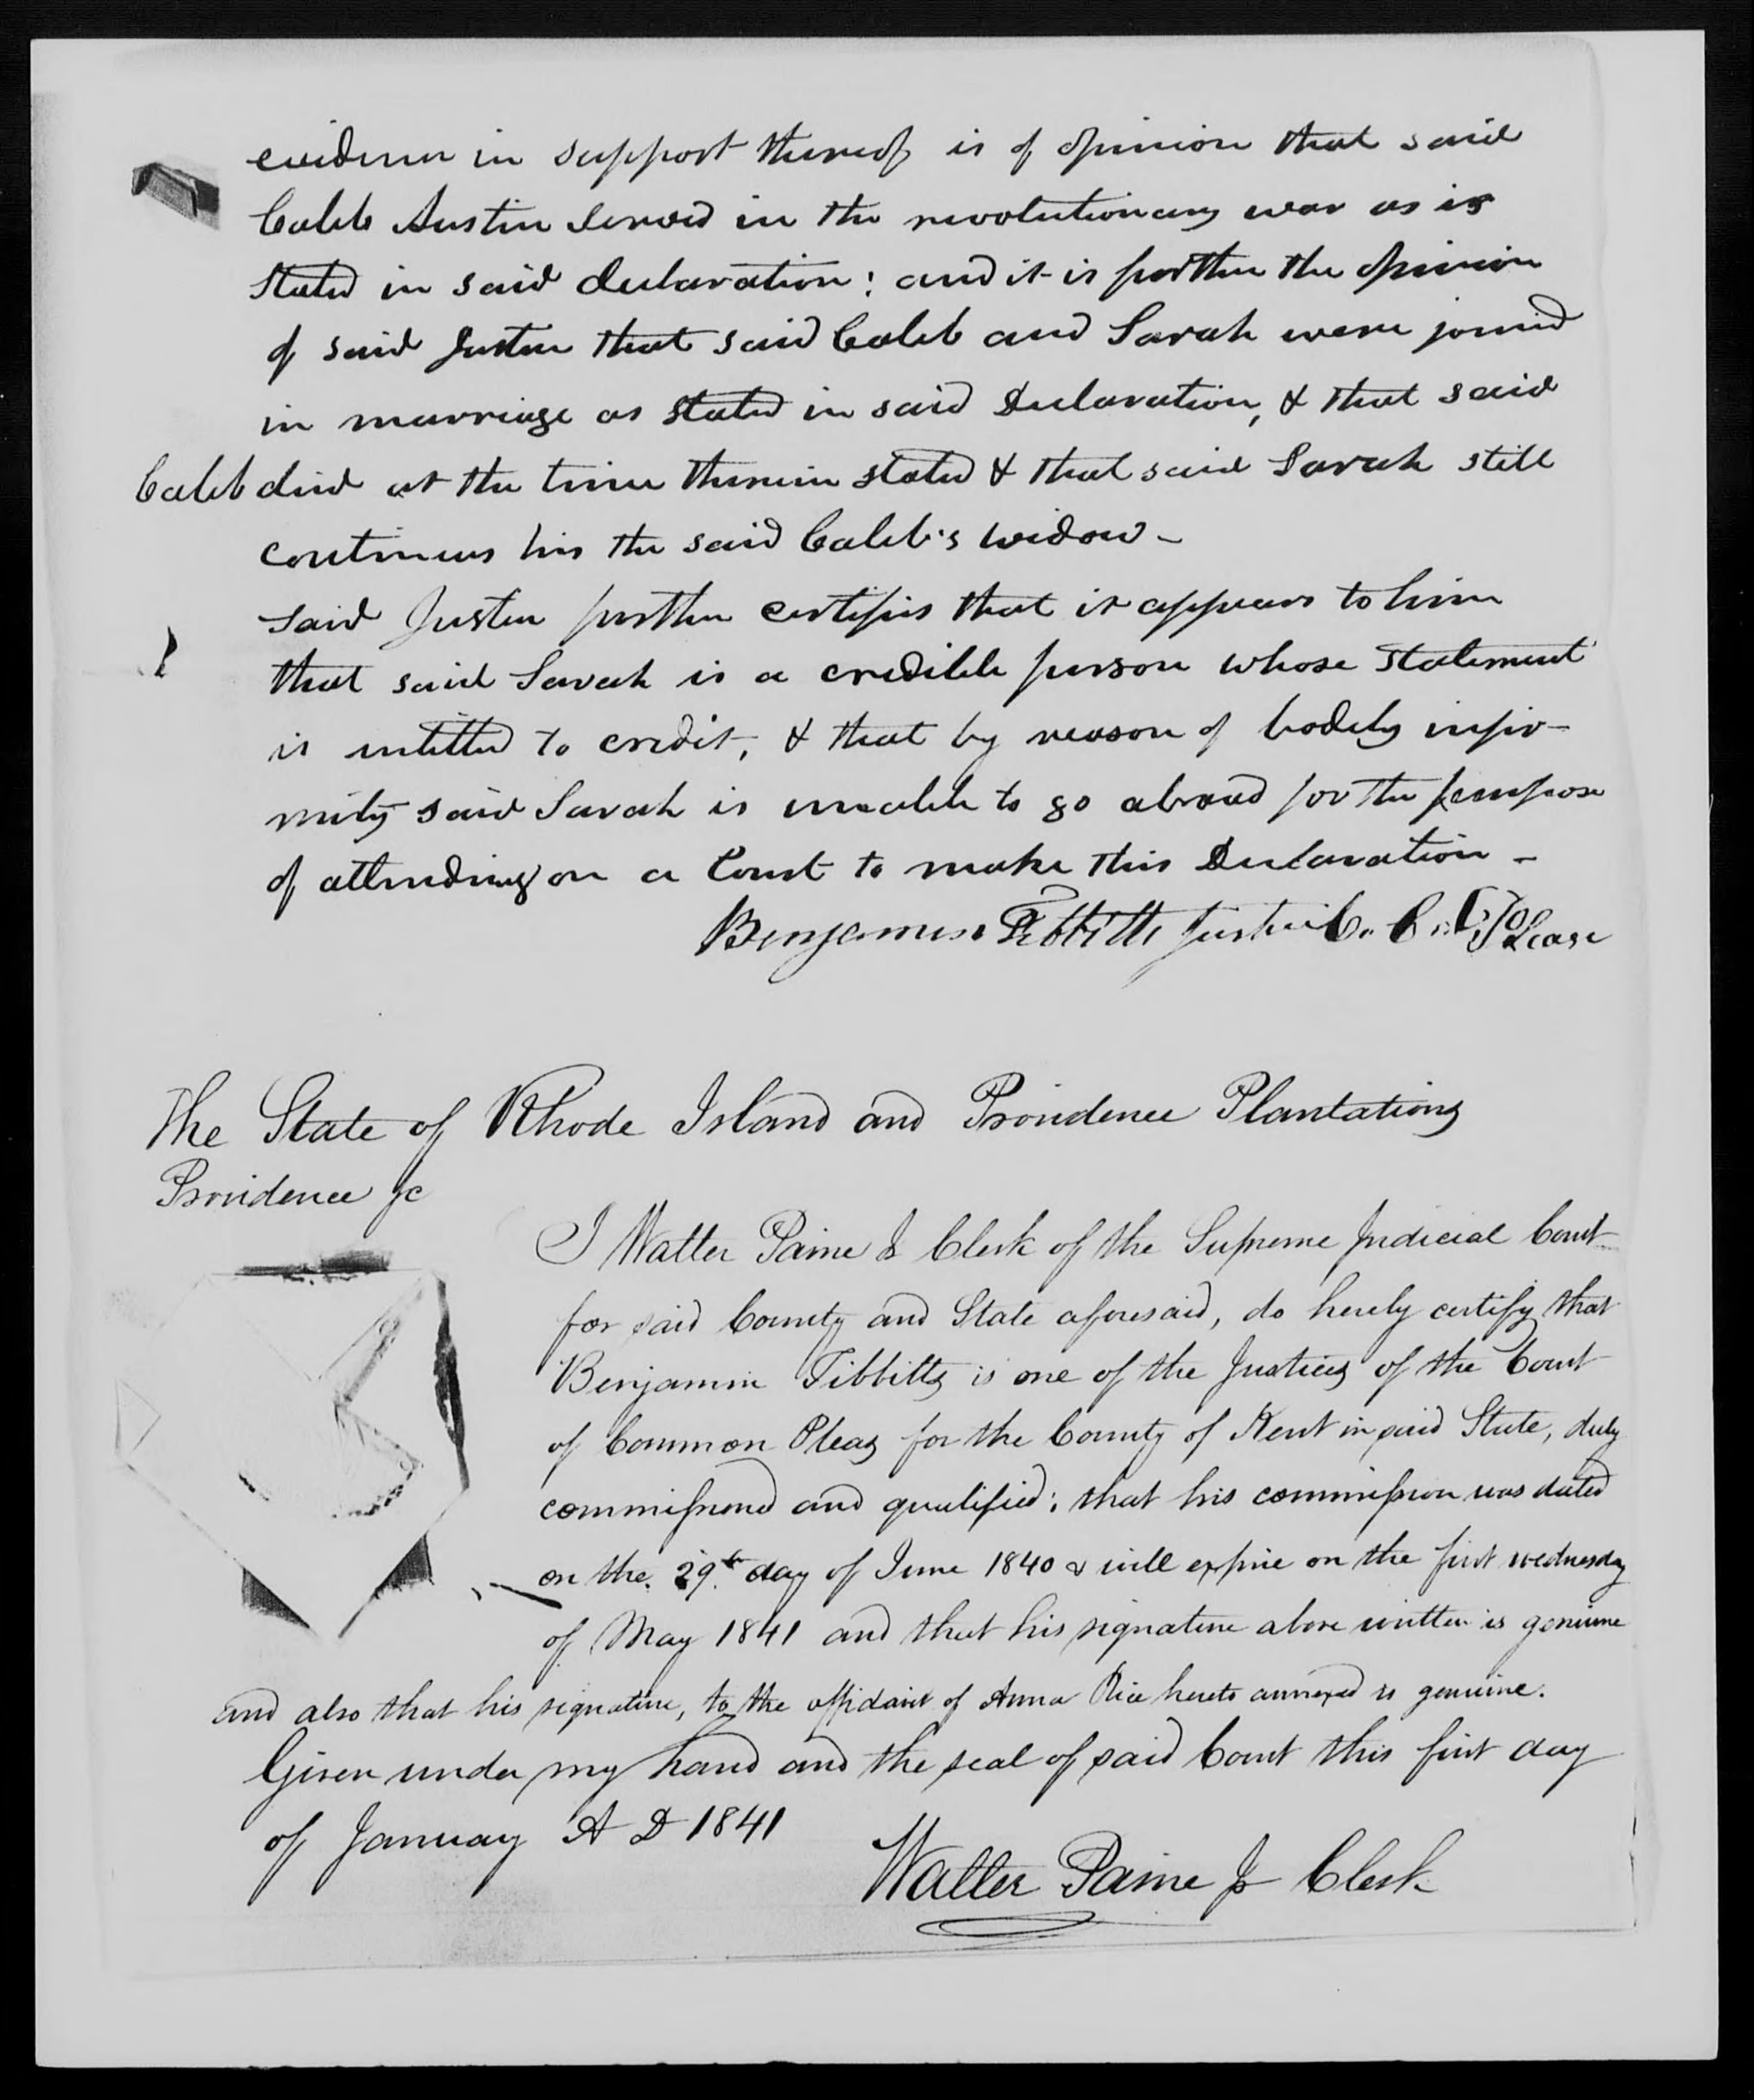evidence in support thereof is of opinion that said Caleb Austin served in the revolutionary war as is stated in said declaration; and it is further the opinion of said Justice that said Caleb and Sarah were joined in marriage as stated in said declaration, & that said Caleb died at the time therein stated & that said Sarah still continues he the said Caleb's widow-
Said Justice further certifies that it appears to him that said Sarah is a credible person whose statement is entitled to credit, & that by reason of bodily infirmity said Sarah is unable to go abroad for the purpose of attending on a Court to make this Declaration-
[Signature] Benjamin Tibbitts  
Justice C. of C. Pleas
The State of Rhode Island and Providence Plantations Providence sc
I Walter Paine Jr Clerk of the Supreme Judicial Court for said County and State aforesaid, do hereby certify that Benjamin Tibbitts is one of the Justices of the Court of Common Pleas for the County of Kent in said State, duly commissioned and qualified; that his commission was dated on the 29th day of June 1840 & will expire on the first Wednesday of May 1841 and that his signature above written is genuine and also that his signature, to the affidavit of Anna Rice hereto annexed is genuine.
Given under my hand and the seal of said Court this first day of January AD 1841
[Signature] Walter Paine  Jr Clerk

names: Caleb, Sarah, Sarah, Caleb Austin, Caleb, Walter Paine, Benjamin Tibbitts, Caleb, Walter Paine, Sarah, Benjamin Tibbitts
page: 7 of 18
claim: widow's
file: W. 20640, Caleb Austin, R.I.